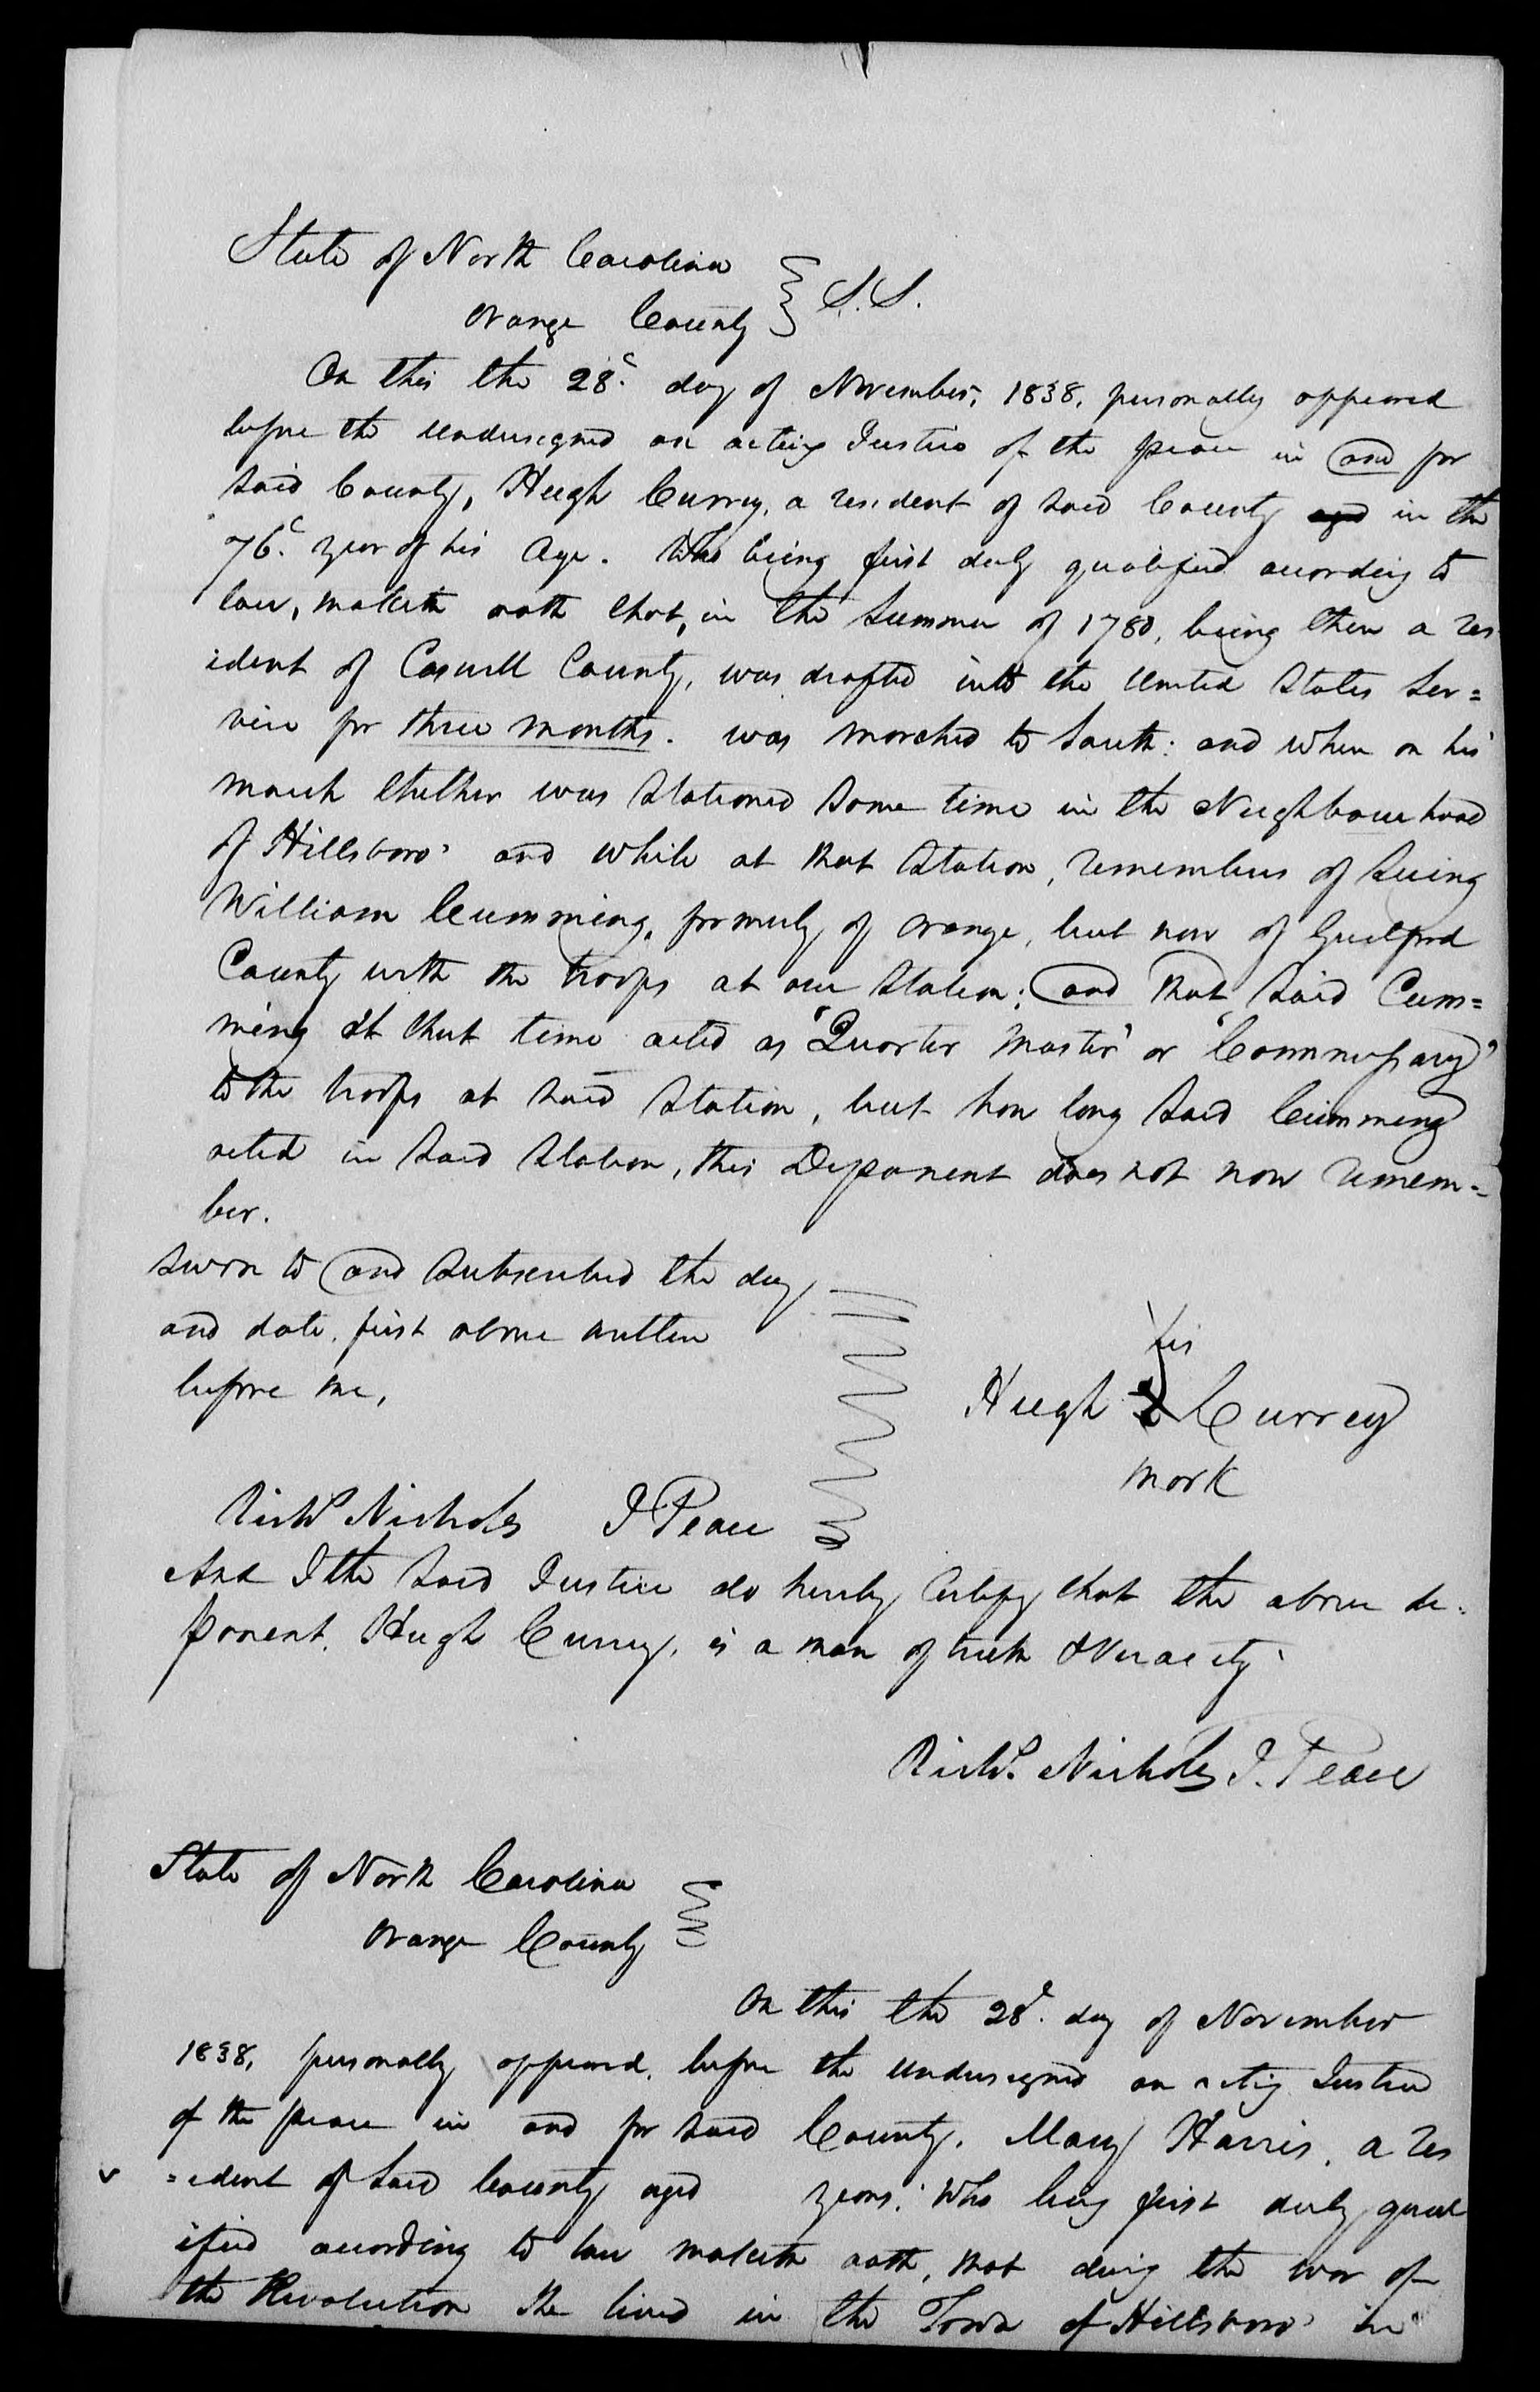[Handwritten record.  Occasional spacing has been included to make the long text block easier to read.]

State of North Carolina) 
Orange County) S.S.

On this the 28th day of November, 1838, personally appeared before the Undersigned an acting Justice of the peace in and for Said County, Hugh Currey, a resident of said County [here "aged" was stricken through] in the 76th year of his Age. Who being first duly qualified according to law, maketh oath that, in the Summer of 1780, being then a resident of [here the following County name is somewhat hard to read, but it appears to be:] Caswell County, was drafted into the United States Service for [here the following two words are underlined:] three months. 

was marched to South: and When on his March thither was Stationed Some time in the Neighborhood of Hillsboro' and while at that Station, remembers of Seeing William Cumming, formerly of Orange, but now of Guilford County with the troops at our Station: and that Said Cumming at that time acted as 'Quarter Master' or 'Commissary' to the troops at Said Station, but how long Said Cumming acted in Said Station, this Deponent does not now remember.

[Here is a signature, with "his mark" in between the two names, and what looks like a large X mark as well, between the two names:]  Hugh [his X mark] Currey

Sworn to and Subscribed the day)
and date first above written)
before me)
Richd [Richard] Nichols  J Peace [Justice of the Peace])  

And I the Said Justice do hereby Certify that the above deponent. Hugh Currey [or Curry], is a Man of truth and Veracity
Richd. [Richard] Nichols J. Peace [Justice of the Peace] 

[In darker ink:]  State of North Carolina)
Orange County)
On this the 28th day of November 1838, personally appeared before the Undersigned an acting Justice of the peace in and for Said County, Mary Harris, a Resident of Said County aged [blank] years: who being first duly qualified according to law Maketh oath, that during the war of the Revolution She lived in the Town of Hillsboro' in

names: Richs Nichols, Hugh Currey, Hugh Curry, Cumming, Mary Harris, Cumming, Richs Nichols, Hugh Currey, William Cumming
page: 122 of 145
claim: survivor's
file: S. 8265, William Cumming, N.C.